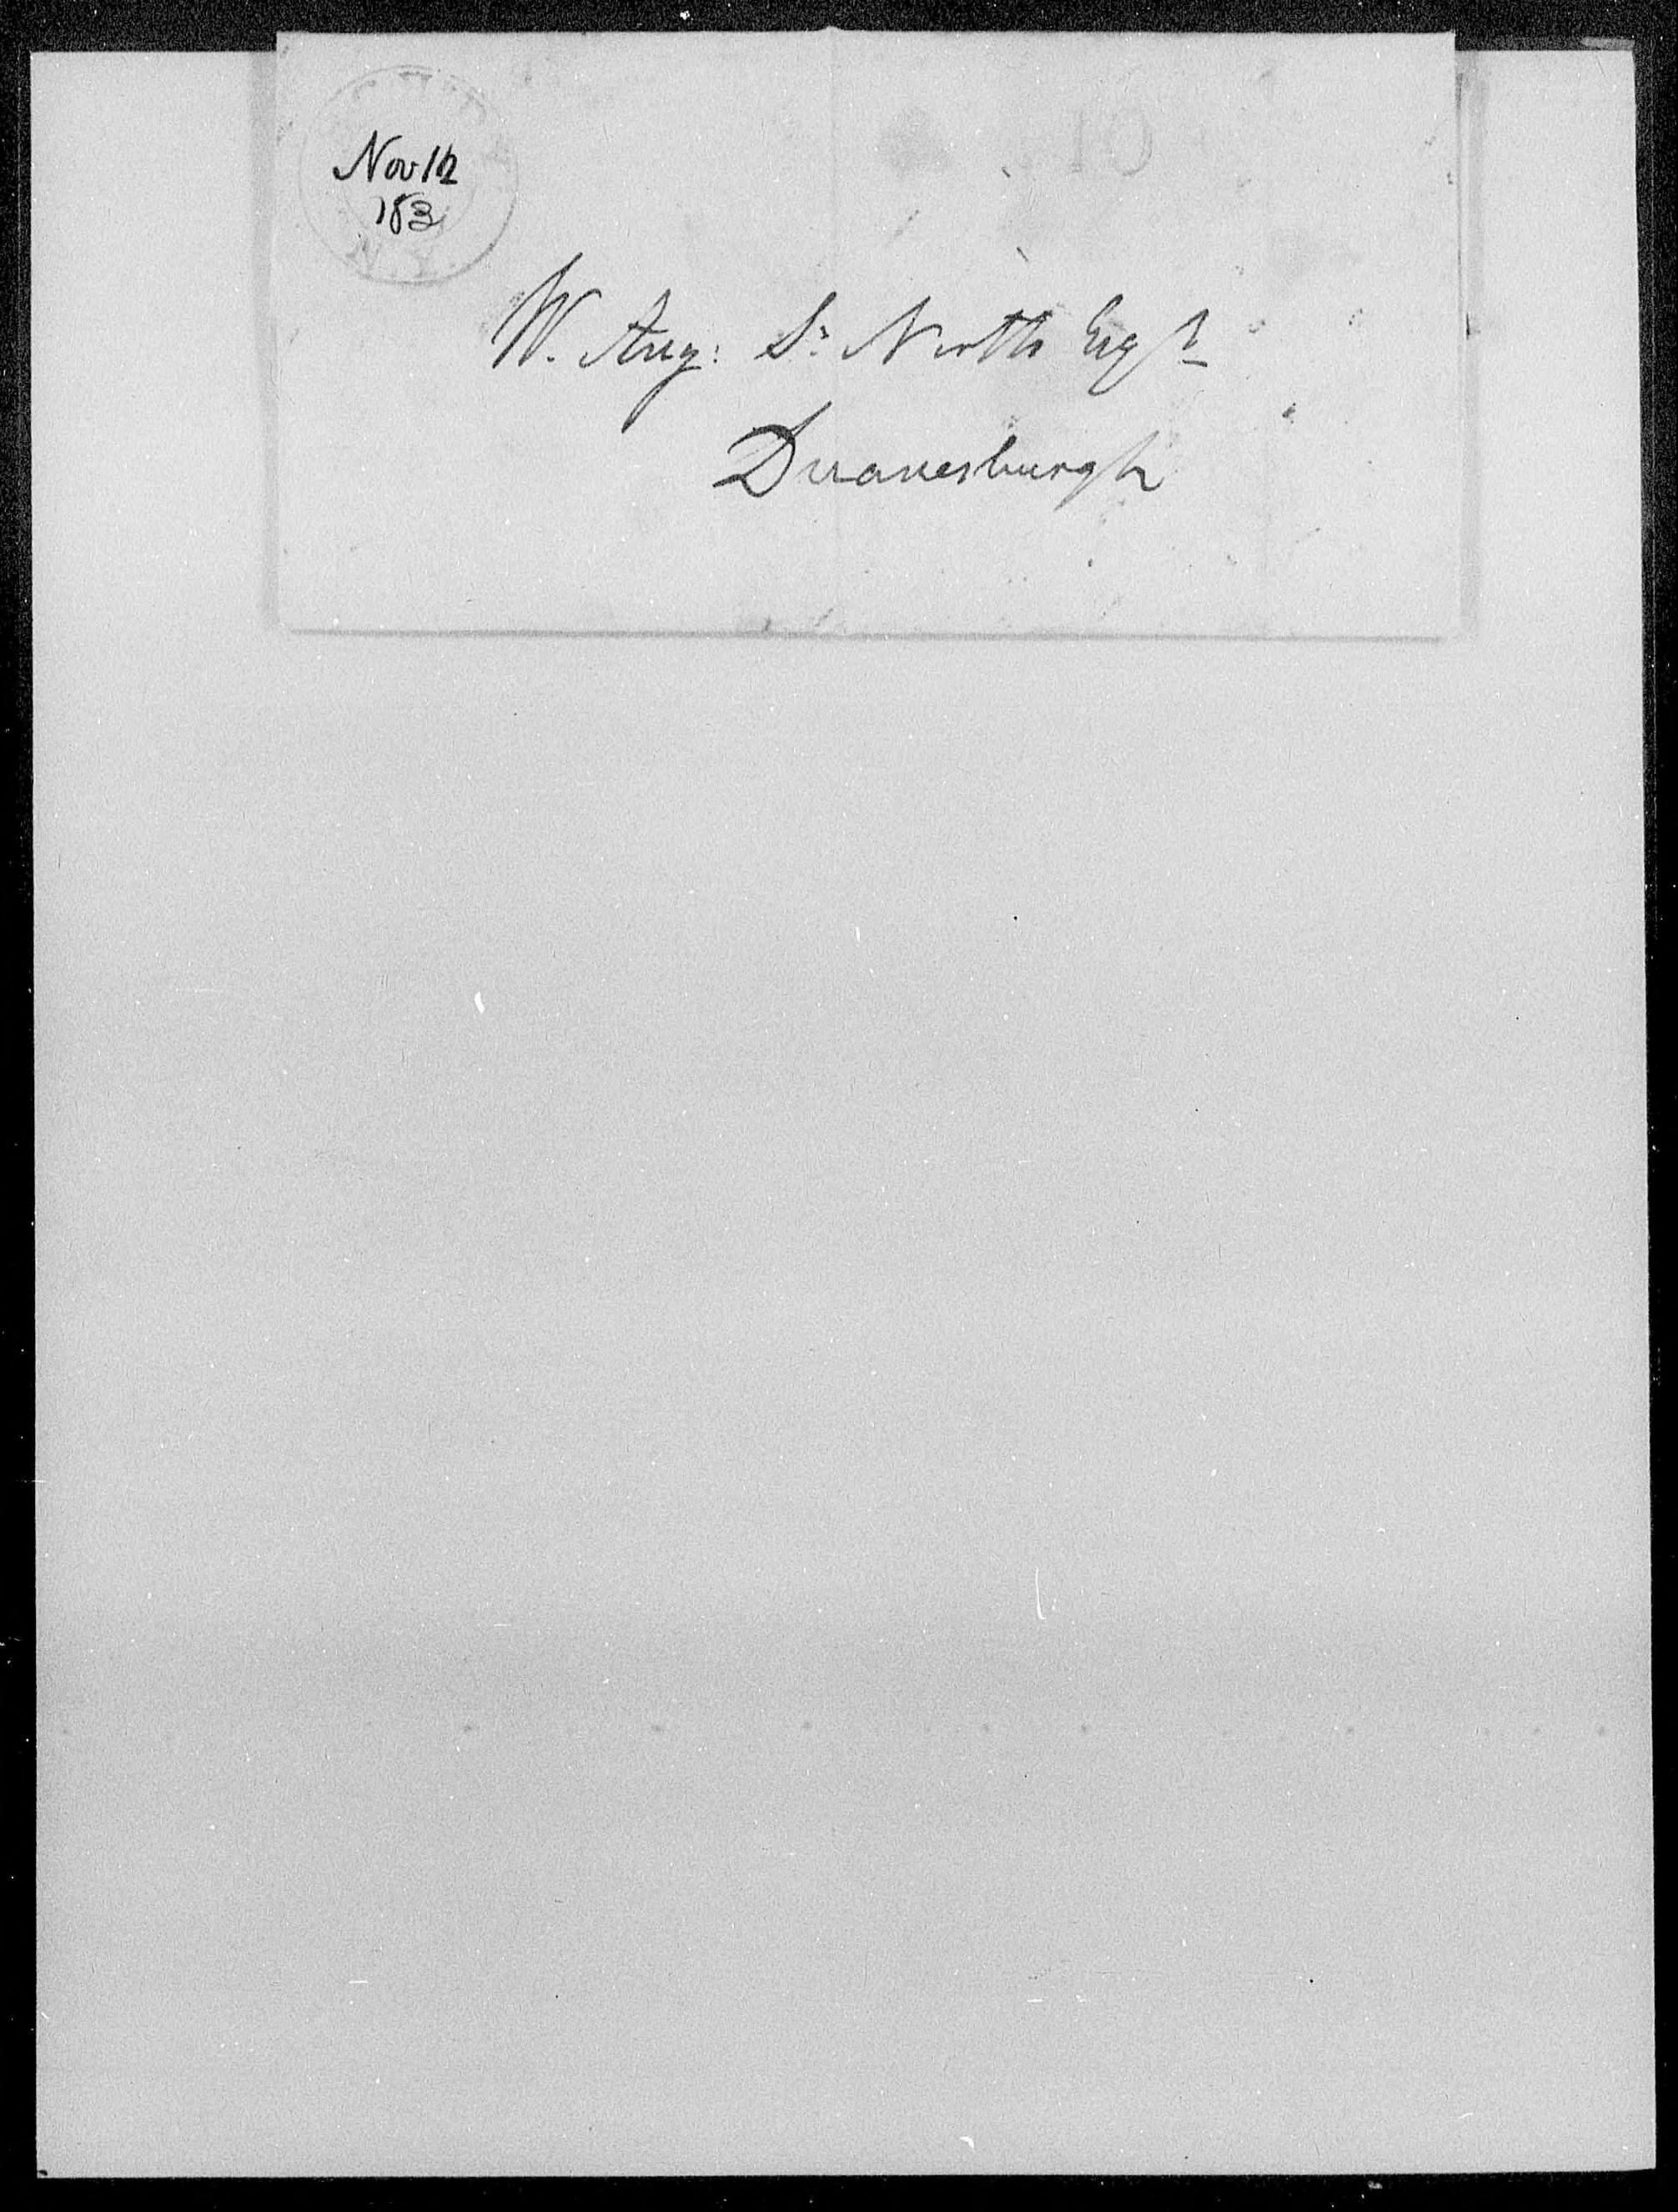Nov 16
1831

W. Aug. S. North Esq. 
Duanesburgh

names: W Aug S North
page: 34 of 40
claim: widow's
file: W. 21876, for Christian Osterman, New York